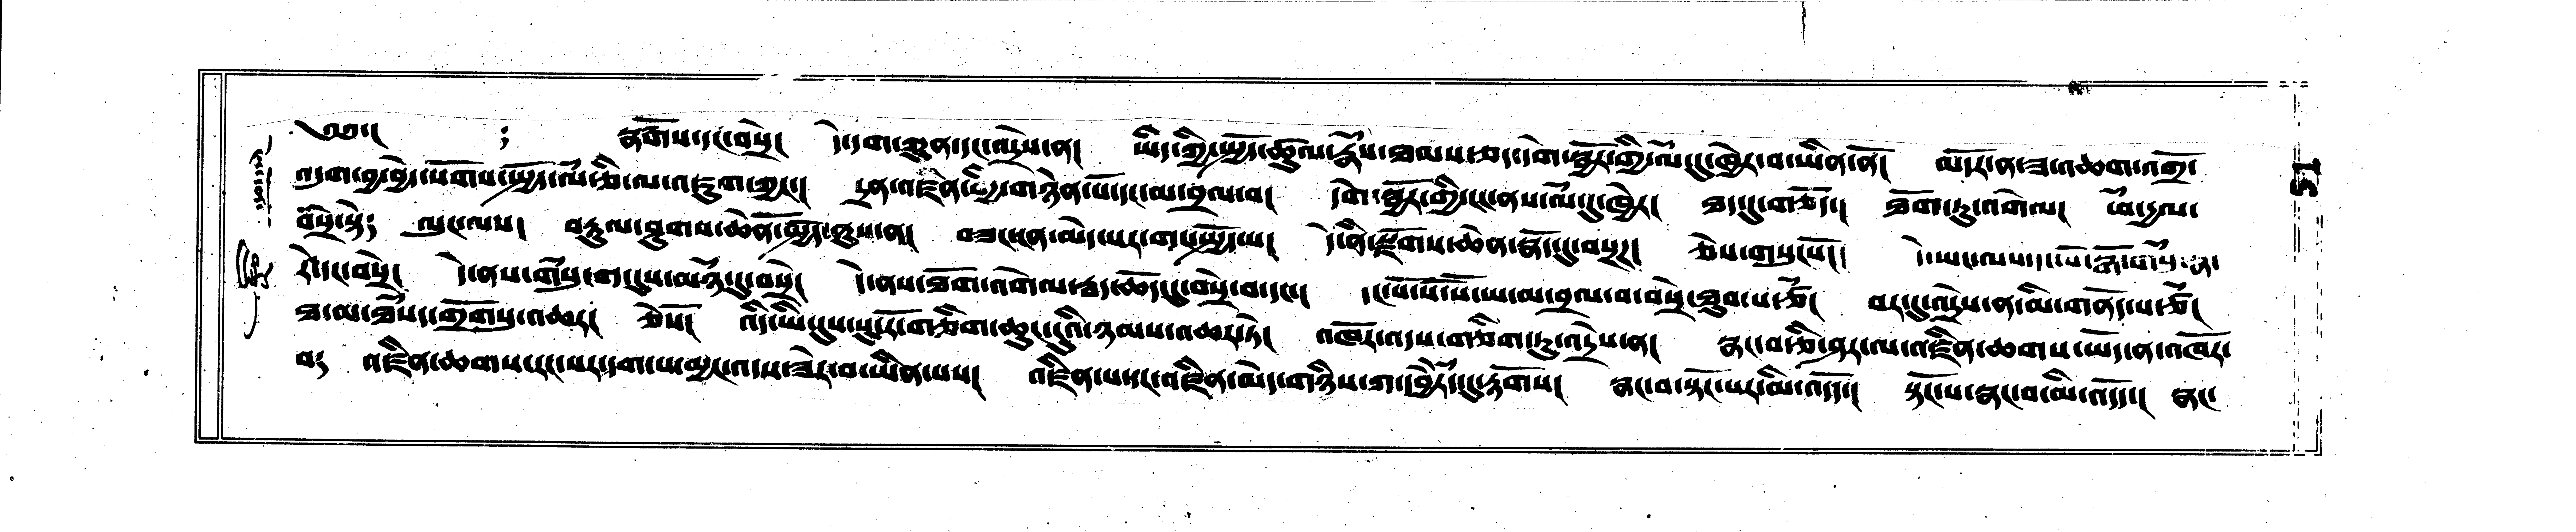སྣ་ཚོགས་དང་བསྲེ། དེ་དག་ཀུན་དང་འདྲེས་ན། ཡིད་ཀྱི་སྤྱོད་ཚུལ་རྣམས་ཐམས་ཅད་དགེ་སྦྱོར་གྱི་ལམ་དུ་ཁྱེར་བ་ཡིན་ནོ། །མདོར་ན་ཟ་འཆག་འགྲོ་
འདུག་བྱ་བྱེད་སོགས་སྤྱོད་ལམ་ཅི་ལ་འཇུག་ཀྱང་དྲན་འཛིན་གྱི་གཉེན་པོ་དང་མ་བྲལ་བ། དགེ་སྦྱོར་གྱི་ངང་ནས་ལམ་དུ་འཁྱེར། ཐད་དུ་གཅོད། ཐོག་ཏུ་འགེལ། ཕམ་རྒྱལ་
བསྲེ་སྟེ། ལུང་ལས། བརྟུལ་ཞུགས་ཆེན་པོ་སྤྱོད་ནུས་ན། བཟང་ངན་མེད་པར་གང་སྤྱོད་པ། དེ་ནི་རྫོགས་ཆེན་སྣོད་དུ་བསྔགས། ཅེས་གསུངས་སོ། །དེ་ཡང་ལས་དང་པོ་སྒོ་གསུམ་སྣ་
རེ་དང་བསྲེ། དེ་ནས་གསུམ་ག་དུས་མཉམ་དུ་བསྲེ། དེ་ནས་ཐོག་འགེལ་རྦད་ཆོད་དུ་བསྲེ་བ་དང་། དང་པོ་སོ་སོ་ཡ་བྲལ་ལ་བསྲེ་ཐུབ་པ་ཙམ། བར་དུ་བསྲེས་ན་མི་གནོད་པ་ཙམ། 
ཐ་མ་ཐམས་ཅད་གྲོགས་སུ་འཆར། ཅེས་སོ། །འདི་ཡི་དུས་སུ་རོ་གཅིག་ཆུང་ངུའི་ཉམས་འཆར་ཏེ། འཁོར་དས་གཅིག་ཏུ་འདྲེས་ན། སྣང་ཅི་ཤར་ལ་འཛིན་ཆགས་ཡོད་ན་འཁོར་
བ། འཛིན་ཆགས་རང་སར་དག་པ་མྱང་འདས་ཟེར་བ་ཡིན་པས། འཛིན་པ་དང་འཛིན་མེད་གཉིས་ཀ་དབྱེར་མེད་དུ་རྟོགས། སྣང་བ་སྟོང་པར་མི་འདོད། སྟོང་པ་སྣང་བ་མི་འདོད། སྣང་